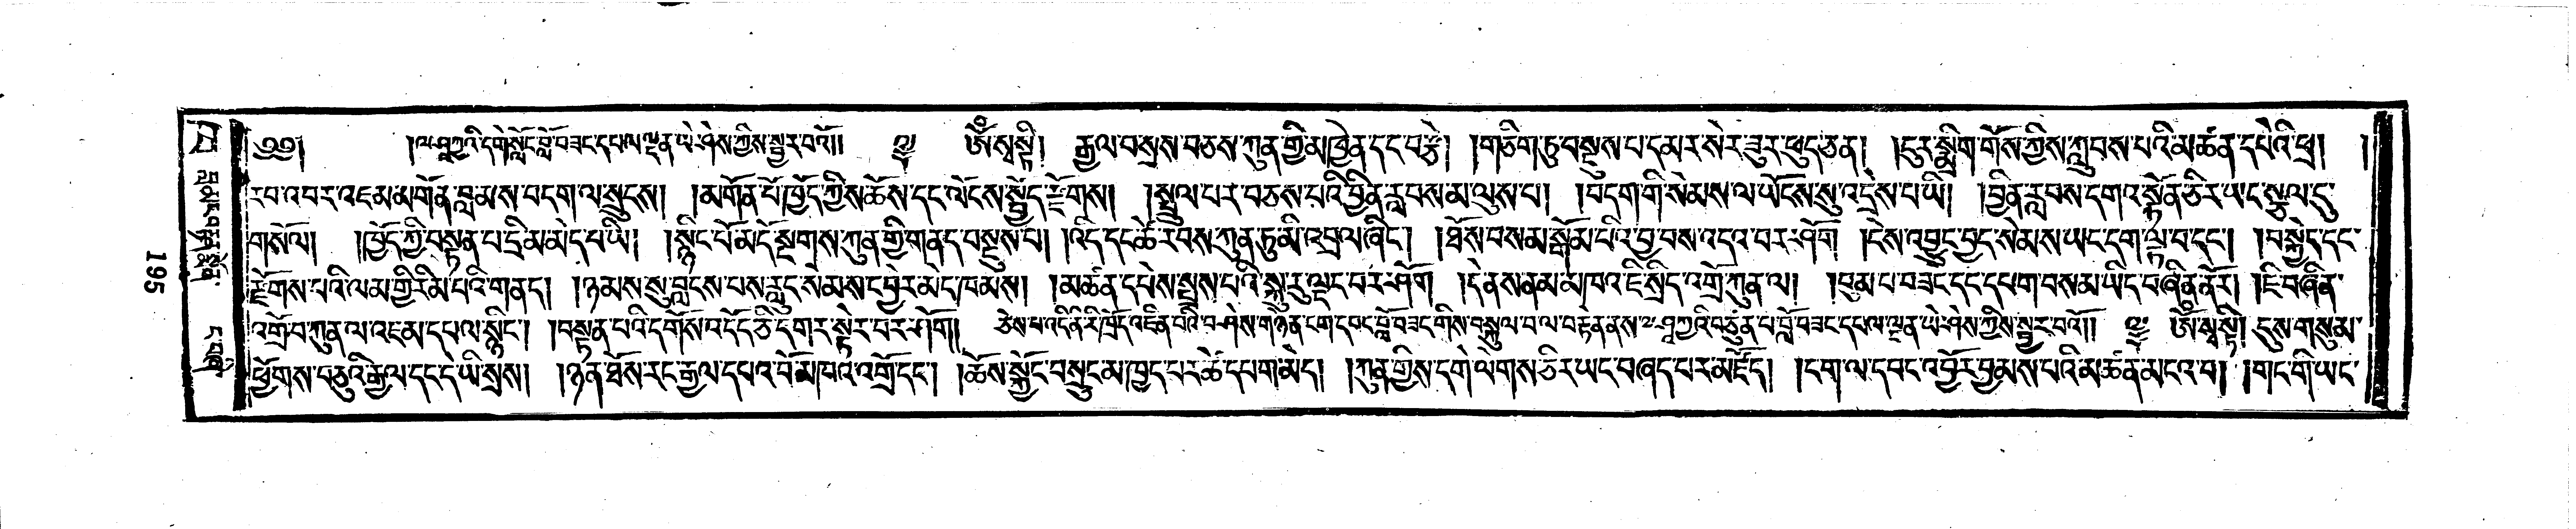༄༅། །ལ་ཤཱཀྱའི་དགེ་སློང་བློ་བཟང་དཔལ་ལྡན་ཡེ་ཤེས་ཀྱིས་སྦྱར་བའོ།། ༈ ཨོཾ་སྭསྟི། རྒྱལ་བ་སྲས་བཅས་ཀུན་གྱི་མཁྱེན་དང་བརྩེ། །གཅིག་ཏུ་བསྡུས་པ་དམར་སེར་ཟུར་ཕུད་ཅན། །དུར་སྨྲིག་གོས་ཀྱིས་ཀླུབས་པའི་མཚན་དཔེའི་ཕྲ། །
རབ་འབར་འཇམ་མགོན་བླ་མས་བདག་ལ་སྲུངས། །མགོན་པོ་ཁྱོད་ཀྱིས་ཆོས་དང་ལོངས་སྤྱོད་རྫོགས། །སྤྲུལ་པར་བཅས་པའི་བྱིན་རླབས་མ་ལུས་པ། །བདག་གི་སེམས་ལ་ཡོངས་སུ་འདྲེས་པ་ཡི། །བྱིན་རླབས་དགའ་སྟོན་ཅིར་ཡང་སྩལ་དུ་
གསོལ། །ཁྱོད་ཀྱི་བསྟན་པ་དྲི་མ་མེད་པ་ཡི། །སྙིང་པོ་མདོ་སྔགས་ཀུན་གྱི་གནད་བསྡུས་པ། །འདི་དང་ཚེ་རབས་ཀུན་ཏུ་མི་འབྲལ་ཞིང་། །ཐོས་བསམ་སྒོམ་པའི་བྱ་བས་འདའ་བར་ཤོག །ངེས་འབྱུང་བྱང་སེམས་ཡང་དག་ལྟ་བ་དང་། །བསྐྱེད་དང་
རྫོགས་པའི་ལམ་གྱི་རིམ་པའི་གནད། །ཉམས་སུ་བླངས་པས་རླུང་སེམས་དབྱེར་མེད་ཁམས། །མཚན་དཔེས་སྤས་པའི་སྐུ་རུ་ལྡང་བར་ཤོག །དེ་ནས་ནམ་མཁའ་ཇི་སྲིད་འགྲོ་ཀུན་ལ། །བུམ་པ་བཟང་དང་དཔག་བསམ་ཡིད་བཞིན་ནོར། །ཇི་བཞིན་
འགྲོ་བ་ཀུན་ལ་འཇམ་དཔལ་སྙིང་། །བསྟན་པའི་དགོས་འདོད་ཅི་དགར་སྟེར་པར་ཤོག། ཅེས་པ་འདི་ནི་ཁྲོད་འཛིན་པའི་བཤེས་གཉེན་ངག་དབང་བློ་བཟང་གིས་བསྐུལ་བ་ལ་བརྟེན་ནས་༧་ཤཱཀྱའི་བཙུན་པ་བློ་བཟང་དཔལ་ལྡན་ཡེ་ཤེས་ཀྱིས་སྦྱར་བའོ།། ༈ ཨོཾ་སྭསྟི་དུས་གསུམ་
ཕྱོགས་བཅུའི་རྒྱལ་དང་དེ་ཡི་སྲས། །ཉན་ཐོས་རང་རྒྱལ་དཔའ་བོ་མཁའ་འགྲོ་དང་། །ཆོས་སྐྱོང་བསྲུང་མ་ཁྱད་པར་ཚེ་དཔག་མེད། །ཀུན་གྱིས་དགེ་ལེགས་ཅིར་ཡང་བཞད་པར་མཛོད། །ངག་ལ་དབང་འབྱོར་བྱམས་པའི་མཚན་མངའ་བ། །གང་གི་ཡང་